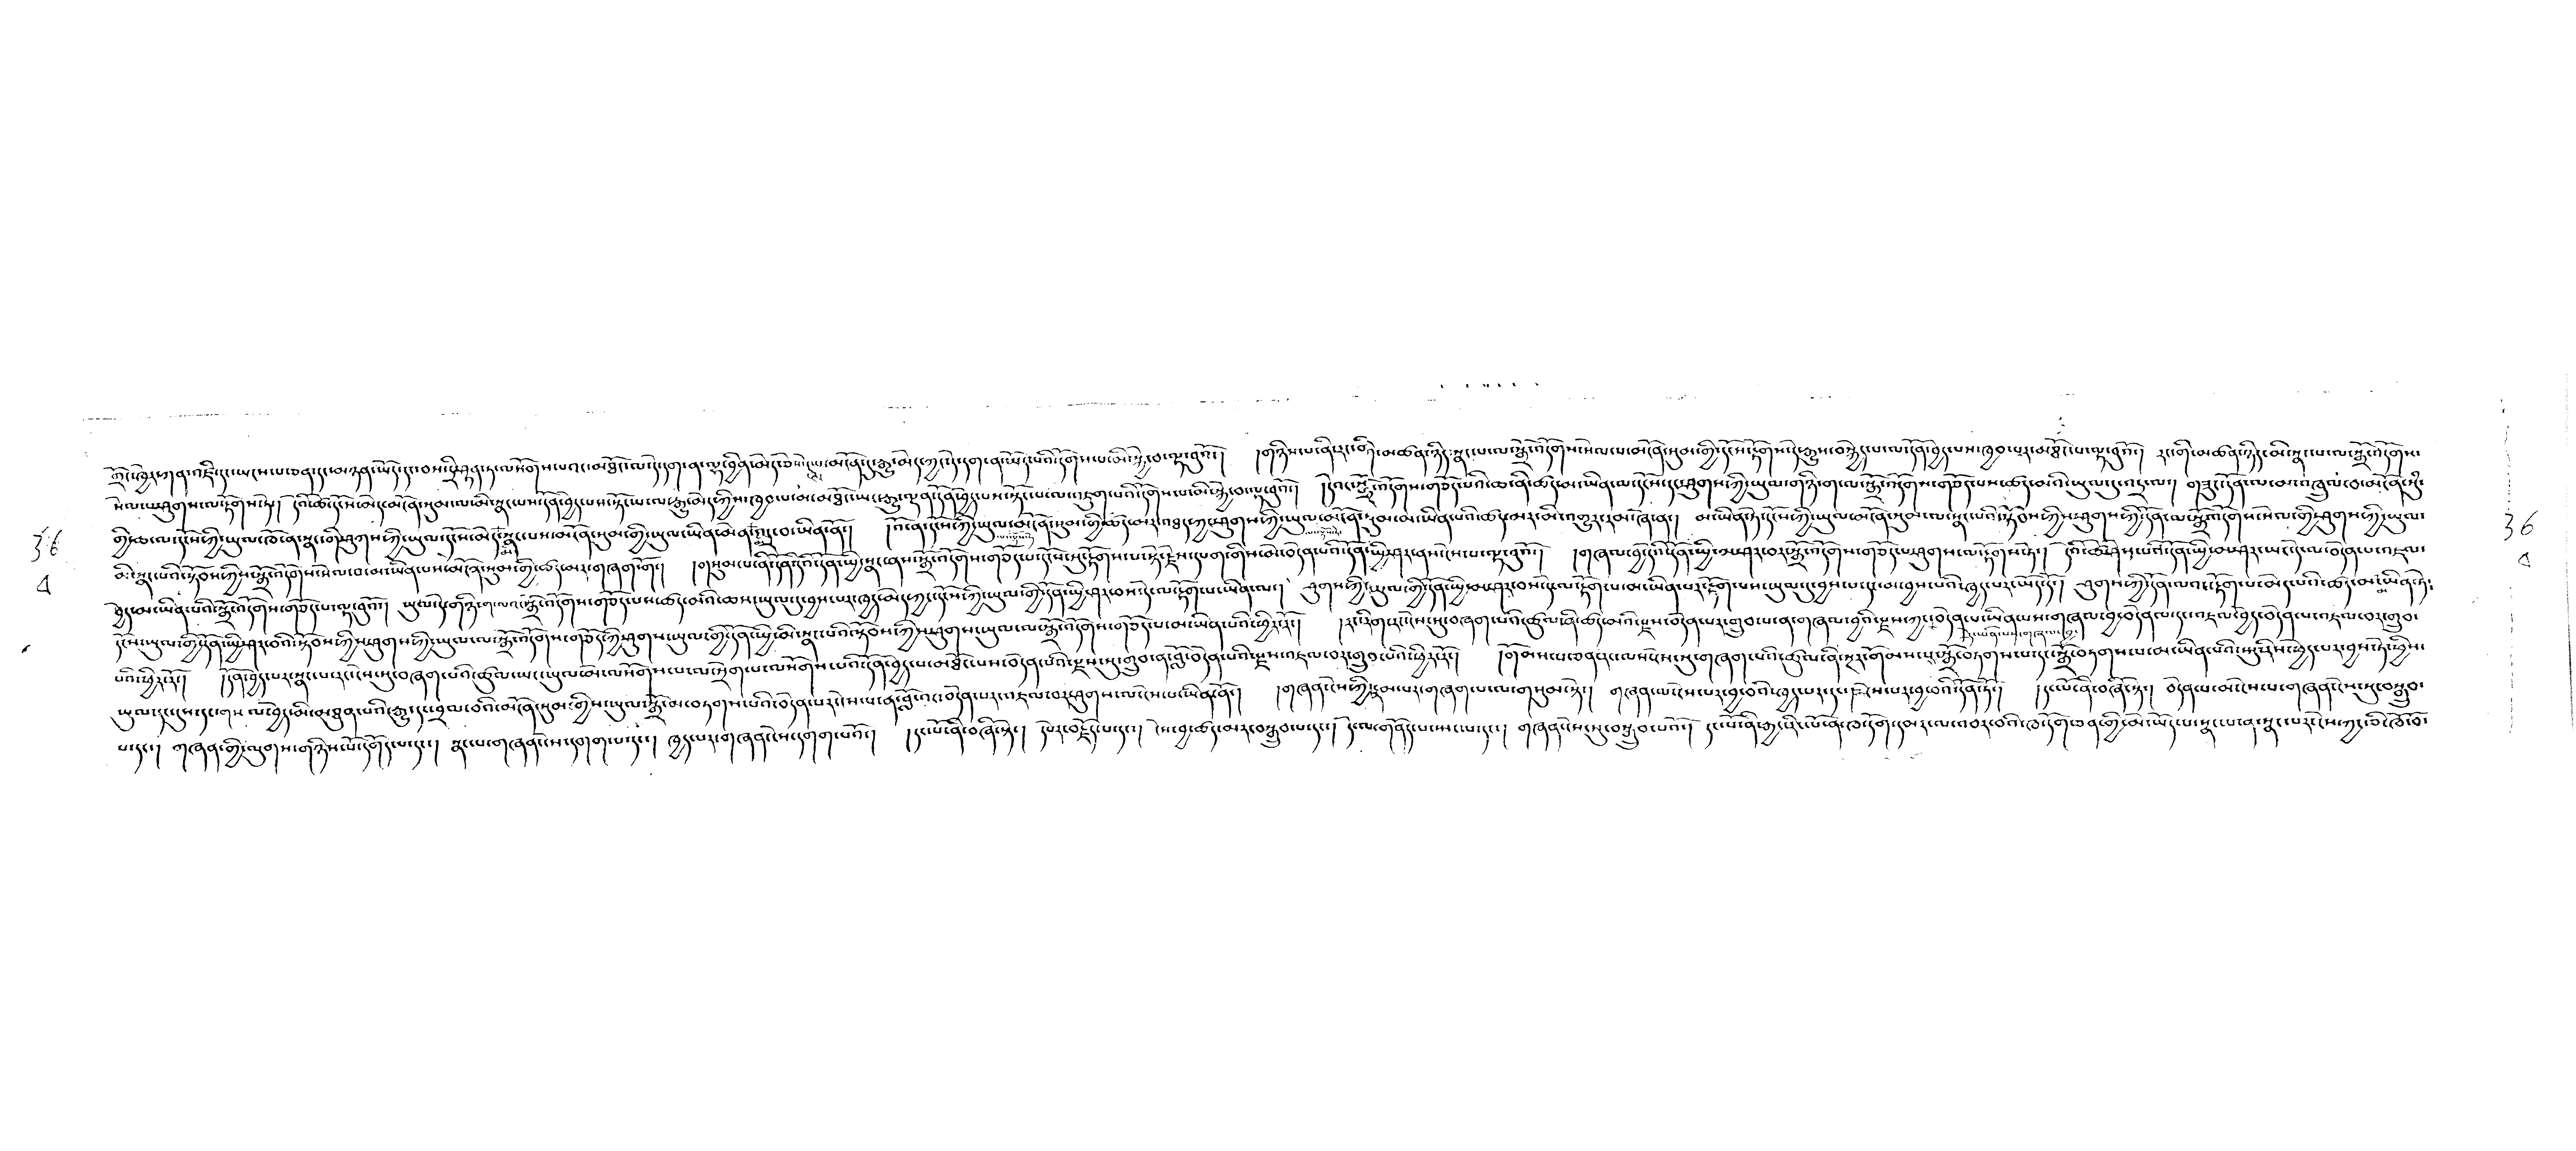གྲོང་ཁྱེར་ཀན་འཛི་དང་ཡངས་པ་ཅན་དང་མཉན་ཡོད་དང་བས་དྲི་ཤྲན?་ཏ་ལ་སོགས་པའང་མཐོང་ལ་དེ་དག་ན་ལྷ་བྱིན་མེད་ཅེས་ངེས་པ་མངོན་དུ་རྒྱུ་མེད་ཀྱང་དེ་དག་ན་ཡོད་པའི་དོགས་པ་མི་སྐྱེ་བ་ལྟ་བུའོ། །གཉིས་པ་ནི་རང་གི་མཚན་ཉིད་སྣང་པ་ལ་སྒྲོ་འདོགས་སེལ་པ་མངོན་སུམ་གྱི་དངོས་རྟོགས་དེ་རྒྱུས་བསྐྱེད་པ་ལ་དོན་བྱེད་པས་ཁྱབ་པར་མཐོང་པ་ལྟ་བུའོ། རང་གི་མཚན་ཉིད་མི་སྣང་པ་ལ་སྒྲོ་འདོགས་
སེལ་པ་ཤུགས་ལ་རྟོགས་ཏེ། དེའི་ཚེ་དངོས་མེད་མངོན་སུམ་ལ་མི་སྣང་པས་དོན་བྱེད་པས་སྟོང་པ་ལ་རྒྱུ་མེད་ཀྱིས་ཁྱབ་པ་མ་མཐོང་ཡང་རྒྱུ་ལྡན་དོན་བྱེད་པས་སྟོང་པ་ལ་འཇུག་པའི་དོགས་པ་མི་སྐྱེ་བ་ལྟ་བུའོ། །དེའང་སྒྲོ་འདོགས་གཅོད་པའི་ཆ་ནི་ཚད་མ་ཡིན་མ་དངོས་དང་ཤུགས་ཀྱི་ཡུམ་གཉི་ག་ལ་སྒྲོ་འདོགས་གཅོད་པས་ཚད་མའི་ཡུལ་དུ་འདྲ་ལ། གཟུང་དོན་ལ་མ་འཁྲུལ་བ་མངོན་སུམ་
གྱི་ཆ་ལ་དངོས་ཀྱི་ཡུལ་ཁོ་ན་སྣང་གི་ཤུགས་ཀྱི་ཡུལ་དངོས་མེད་མེ་སྣང་པས་མངོན་སུམ་གྱི་ཡུལ་ཡིན་མེན་བ?་འདྲ་བ་ཡིན་ནོ། །འོ་ན་དངོས་ཀྱི་ཡུལ་?་མངོན་སུམ་གྱི་ཚད་མར་འཐད་ཀྱང་ཤུགས་ཀྱི་ཡུལ་?་མངོན་སུམ་མ་ཡིན་པའི་ཚད་མར་མི་འགྱུར་རམ་ཞེ་ན། མ་ཡིན་ཏེ་དངོས་ཀྱི་ཡུལ་མངོན་སུམ་ལ་སྣང་པའི་སྟོབས་ཀྱིས་ཤུགས་ཀྱི་དོན་མ་སྒྲོ་འདོགས་སེལ་གྱི་ཤུགས་ཀྱི་ཡུལ་
མི་སྣང་པའི་སྟོབས་ཀྱིས་སྒྲོ་འདོགས་སེལ་བ་མ་ཡིན་པས་མངོན་སུམ་གྱི་ཚད་མར་གཞག་གོ། །གསུམ་པ་ནི་དོན་དེའི་དོན་སྤྱི་སྣང་ནས་སྒྲོ་འདོགས་གཅོད་པར་དངོས་སུ་རྟོགས་པ་སྟེ་རྗེས་དཔག་གིས་མེ་བདེན་པའི་དོན་སྤྱི་ཤར་ནས་ངེས་པ་ལྟ་བུའོ། །གཞལ་བྱ་དེའི་དོན་སྤྱི་མ་ཤར་བར་སྒྲོ་འདོགས་གཅོད་པ་ཤུགས་ལ་རྟོགས་ཏེ། དེའི་ཚེ་ཤེས་པའི་དོན་སྤྱི་མ་ཤར་ཡང་དེ་མ་བདེན་པ་འཇལ་
བྱེད་མ་ཡིན་པའི་སྒྲོ་འདོགས་གཅོད་པ་ལྟ་བུའོ། ཡུལ་དེ་གཉི་ག་ལའང་སྒྲོ་འདོགས་གཅོད་པས་ཚད་མའི་ཆས་ཡུལ་དུ་བྱས་པར་ཁྱད་མེད་ཀྱང་དངོས་ཀྱི་ཡུལ་གྱི་དོན་སྤྱི་ཤར་བས་དེ་ལ་རྟོག་པ་ཡིན་ལ། ཤུགས་ཀྱི་ཡུལ་གྱི་དོན་སྤྱི་ཤར་བས་དེ་ལ་རྟོག་པ་མ་ཡིན་པར་རྟོག་པས་ཡུལ་དུ་བྱས་པ་དང་མ་བྱས་པའི་ཁྱད་པར་ཡོད་དོ། ཤུགས་ཀྱི་དོན་ལའང་རྟོག་པ་མེད་པའི་ཚད་མ་མ་ཡིན་ཏེ་
དངོས་ཡུལ་གྱི་དོན་སྤྱི་ཤར་བའི་སྟོབས་ཀྱིས་ཤུགས་ཀྱི་ཡུལ་ལ་སྒྲོ་འདོགས་གཅོད་ཀྱི་ཤུགས་ཡུལ་གྱི་དོན་སྤྱི་མི་སྣང་པའི་སྟོབས་ཀྱིས་ཤུགས་ཡུལ་ལ་སྒྲོ་འདོགས་གཅོད་པ་མ་ཡིན་པའི་ཕྱིར་རོ། །རང་རིག་རང་ངེས་སུ་བཞག་པའི་ཚུལ་ནི་ཚད་མའི་རྫས་བདེན་པར་གྲུབ་པ་ན་གཞལ་བྱའི་རྫས་ཀྱང་དེ་ཡིན་པས་གཞལ་བྱ་བདེན་པ་ཡིན་པས་གཞལ་བྱ་བདེན་པ་དང་འཇལ་བྱེད་བདེན་པ་འཇལ་བར་གྲུབ་
པའི་ཕྱིར་རོ། །དོན་བྱད་པར་སྣང་པ་རང་ངེས་སུ་བཞག་པའི་ཚུལ་ཡང་ཡུལ་མེ་ལ་སོགས་པ་ལ་སྲོག་པ་ལ་སོགས་པའི་དོན་བྱེད་པ་མཐོང་པས་བདེན་པའི་རྫས་སུ་གྲུབ་ན་བློ་བདེན་པའི་རྫས་འཇལ་བར་གྲུབ་པའི་ཕྱིར་རོ། །གོམས་པ་ཅན་རང་ལས་ངེས་སུ་གཞག་པའི་ཚུལ་ནི་སྔར་གོམས་པ་སྒྲོ་བཏགས་པ་དང་སྒྲོ་བཏགས་པ་མ་ཡིན་པའི་སྤུ་རིས་ཕྱེད་པར་བྱས་ཏེ་ཕྱིས་
ཡུལ་དང་དུས་དང་གསལ་བྱེད་མི་མཐུན་པའི་རྒྱུ་དང་བྲལ་བའི་མངོན་སུམ་གྱིས་ཡུལ་སྒྲོ་མ་བཏགས་པའི་བདེན་པར་ངེས་པ་ན་བློ་འང་བདེན་པར་འཇལ་བར་ཤུགས་ལ་ངེས་པ་ཡིན་ནོ། །གཞན་ངེས་ཀྱི་རྣམ་པར་གཞག་པ་ལ་གསུམ་སྟེ། གཞན་མ་ངེས་པར་བྱ་བའི་ཁྱད་པར་དང་། ངེས་པར་བྱ་བའི་དོན་ཏོ། །དང་པོ་ནི་བཞི་སྟེ། བདེན་པ་མ་ངེས་པ་གཞན་ངེས་སུ་བསྒྲུབ་
པ་དང་། གཞན་གྱི་ལུགས་གཉིས་པོ་དགོད་པ་དང་། སྣང་པ་གཞན་ངེས་དགག་པ་དང་། ཁྱད་པར་གཞན་ངེས་དགག་པའོ། །དང་པོ་ནི་བཞི་སྟེ། དཔེར་བརྗོད་པ་དང་། ངེས་བྱ་ཚད་མར་བསྒྲུབ་པ་དང་། དེ་ལ་གནོད་པ་སྤང་པ་དང་། གཞན་ངེས་སུ་བསྒྲུབ་པའོ། དང་པོ་ནི་རྒྱང་རིང་པོ་ན་ཁ་དོག་དམར་ལ་འབར་བའི་ཁ་དོག་ཅན་གྱི་མེ་ཡོད་པ་སྣང་པ་ན་སྣང་པར་ངེས་ཀྱང་ཅི་ཁོ་བོ་